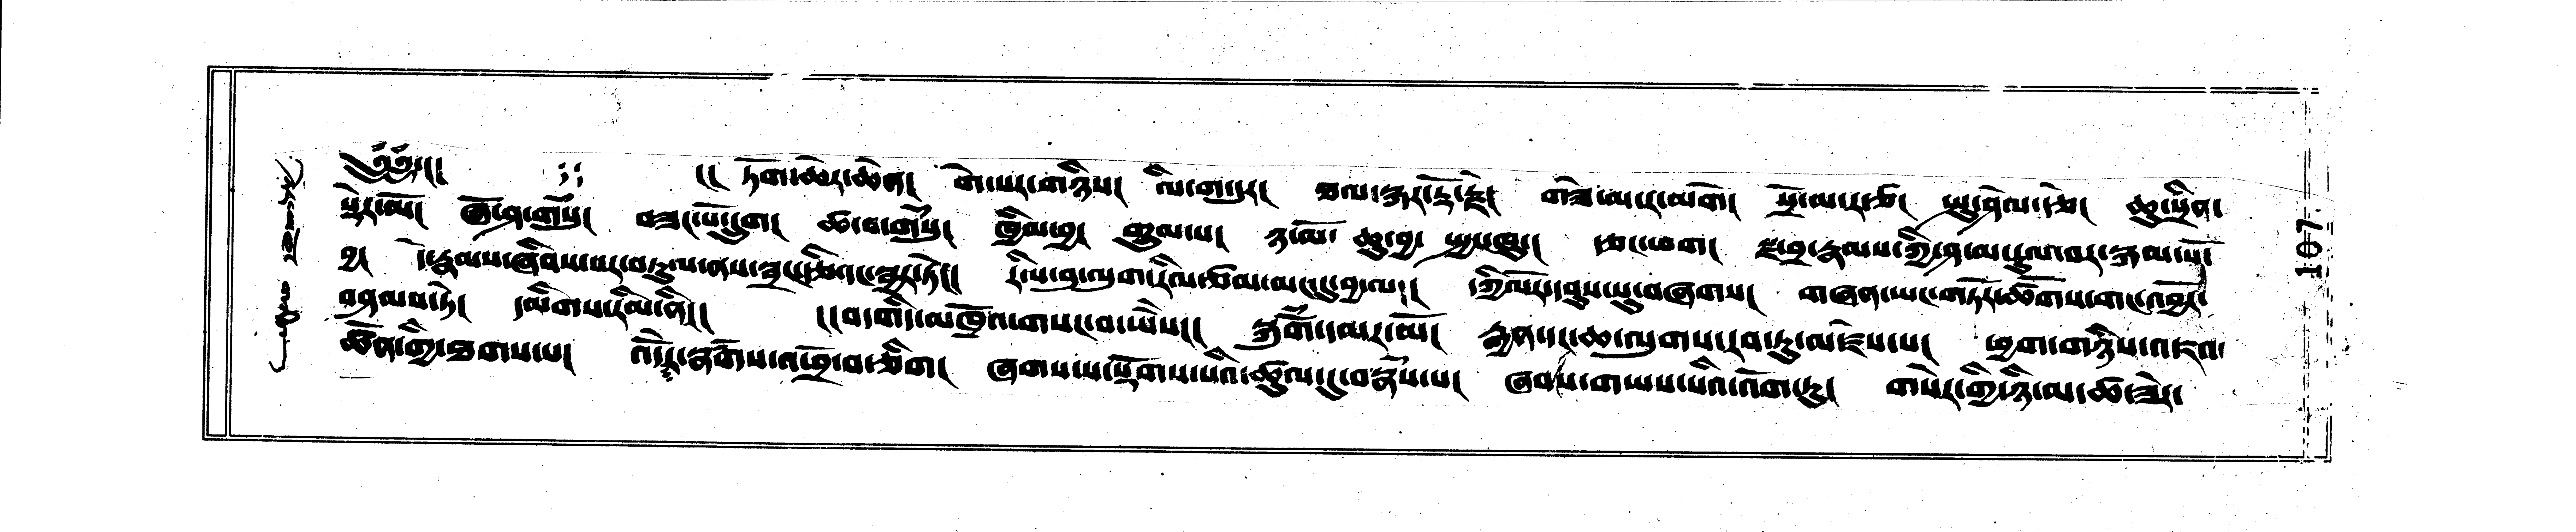མེ་ཏོག་ཚེར་ཆེན། གེ་སར་གཉིས། ལི་ག་དུར། ཐལ་སྐར་རྡོ་རྗེ། གཟེ་མ་ར་མགོ སྲོ་མ་ར་ཙ། སྤུ་ཤེལ་རྩེ། ཆུ་སྲིན་
སྡེར་མོ། ཞོ་ཤ་གསུམ། བཟང་པོ་དྲུག ཚ་བ་གསུམ། ཁྱིམ་བྱ། གྲུམ་པ། ཉ་མོ། ཆུ་བྱ། སྤྱང་ཁུ། རྩང་ཕག རྫ་བྲ་རྣམས་ཀྱི་ཤ་མ་རུལ་བར་སྐམ་པོ་
བྱ། དེ་དེ་རྣམས་ཞིབ་པར་བཏུལ་ནས་སྦྲང་རྩི་དང་སྦྱར་ཏེ། རིལ་བུ་ལུག་རིལ་ཙམ་མང་དུ་བྱ་ལ། དཀྱིལ་འཁོར་དབུས་སུ་བཞག གཞན་ཡང་གཏོར་ཚོགས་གང་འབྱོར་
བཤམས་ཏེ། དམིགས་རིམ་ནི། བདག་ཉིད་མཁའ་འགྲོ་གསང་བ་ཡེ་ཤེས། སྐུ་མདོག་དམར་པོ། རྒྱན་དང་ཆ་ལུགས་རབ་ཏུ་མཛེས་པ། ཕྱག་གཉིས་འཇའ་
ཚོན་གྱི་ཐག་པ། འོད་ཟེར་སྣ་ཚོགས་འཕྲོ་བ་ཅིག ཞགས་པ་བསྡོགས་པའི་ཚུལ་དུ་བསྣམས་པ། ཞབས་གཡས་པའི་འོག་ཏུ། གསེར་གྱི་ཉི་མ་ཚ་ཟེར་